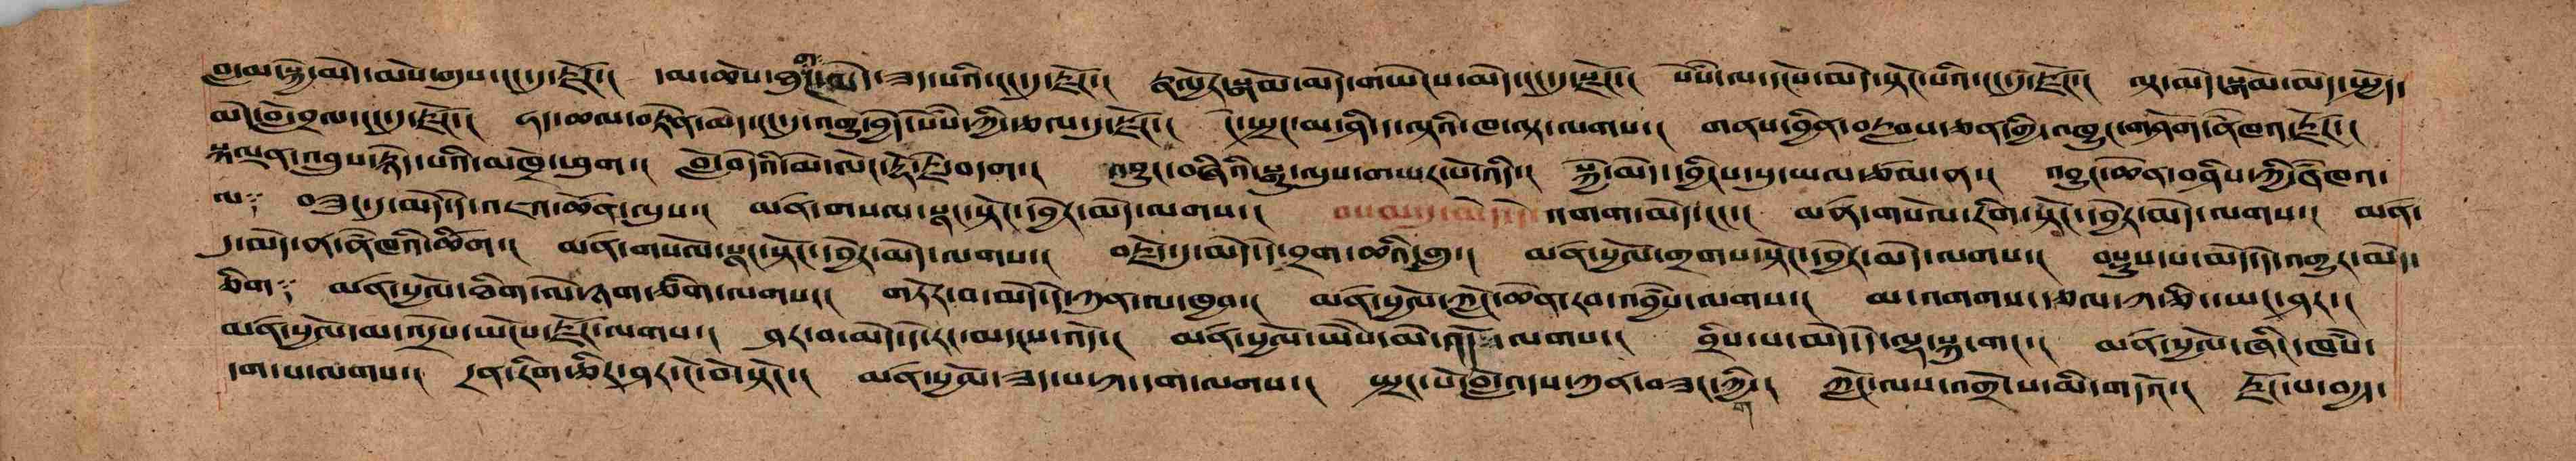བླ་མ་སྐྱེ་མེད་མོས་གུས་ངང་དུ་རྫོགས། དམ་ཆོས་ཐུགས་མེད་ཟད་པའི་ངང་དུ་རྫོགས། རྣལ་འབྱོར་སྒོམ་མེད་གཡེངས་མེད་ངང་དུ་རྫོགས། སེམས་ལ་དངོས་མེད་སྟོང་པའི་ངང་དུ་རྫོགས། ལྟ་མེད་སྒོམ་མེད་སྤྱོད་
མེད་བློ་བྲལ་ངང་དུ་རྫོགས། ཧད་ཆམ་བརྟེན་མེད་ངང་དུ་འགྱུ་བྱེད་སེམས་ཀྱི་རྩལ་དུ་རྫོགས། ངོ་སྤྲང་མ་ཤི་ད་ལྟའི་ཁ་ལྟ་ལགས། གནས་བྱིན་བརླབས་ཅན་གྱི་འཁྱུང་གཤོག་ནམ་མཁའ་རྫོགས། 
སྐལ་ལྡན་འབྲས་བུ་རྙེད་པའི་མཁའ་འགྲོ་ཕུག། བློ་བདེའི་མེ་ལོང་རྡོ་རྗེ་བདག། འབྱུང་བཞིའི་སྒྱུ་ལུས་གཡར་པོ་འདི། སྐྱེད་མེད་དབྱིངས་སུ་ཡལ་ཙམ་ན། འབྱུང་ཆེན་བཤིས་ཀྱི་ནམ་མཁའ་
ལ༑ བཟུང་དུ་མེད་དོ་འཇའ་ཚོན་ལུས། མཚན་གསལ་སྣང་སྟོང་དབྱེར་མེད་ལགས། བསམ་དུ་མེད་དེ་འགག་མེད་ངང་། མཚན་གསོལ་རིག་སྟོང་དབྱེར་མེད་ལགས། མཚན་
དུ་མེད་ན་ནམ་མཁའི་ཚིག། མཚན་གསོལ་སྣང་སྟོང་དབྱེར་མེད་ལགས། བརྗོད་དུ་མེད་དེ་བྲག་ཆའི་གྲུ། མཚན་གསོལ་གྲགས་སྟོང་དབྱེར་མེད་ལགས། བསྡུས་པ་མེད་དེ་འགྱུར་མེད་
ཅིག༑ མཚན་གསོལ་ཐིག་ལེ་ཉག་ཅིག་ལགས། གཏོར་བ་མེད་དེ་ཀུན་ལ་ཁྱབ། མཚན་གསོལ་ཀློང་ཆེན་རབ་འབྱམས་ལགས། མ་འགགས་རྩལ་ཀ་ཅི་ཡང་ཤར། 
མཚན་གསོལ་མ་འདྲེས་ཡོངས་རྫོགས་ལགས། ཤར་བ་མེད་དེ་རང་མདངས་འོད། མཚན་གསོལ་ཡེ་ཤེས་མེ་འདོད་ལགས། བྲིས་པ་མེད་དེ་ལྷ་སྐུ་གང་། མཚན་གསོལ་ཞིང་ཁམས་
དག་པ་ལགས། དྲན་རིག་ཅིར་ཤར་ངོ་བོ་སྟོང་། མཚན་གསོལ་ཟད་པ་ཀ་དག་ལགས། སྤྲང་པོ་བློ་འདས་ཀུན་བཟང་ཀྱི། ཀློང་ལས་འགྲོ་ས་མི་གདའོ། རྫོང་པ་བརྒྱད་